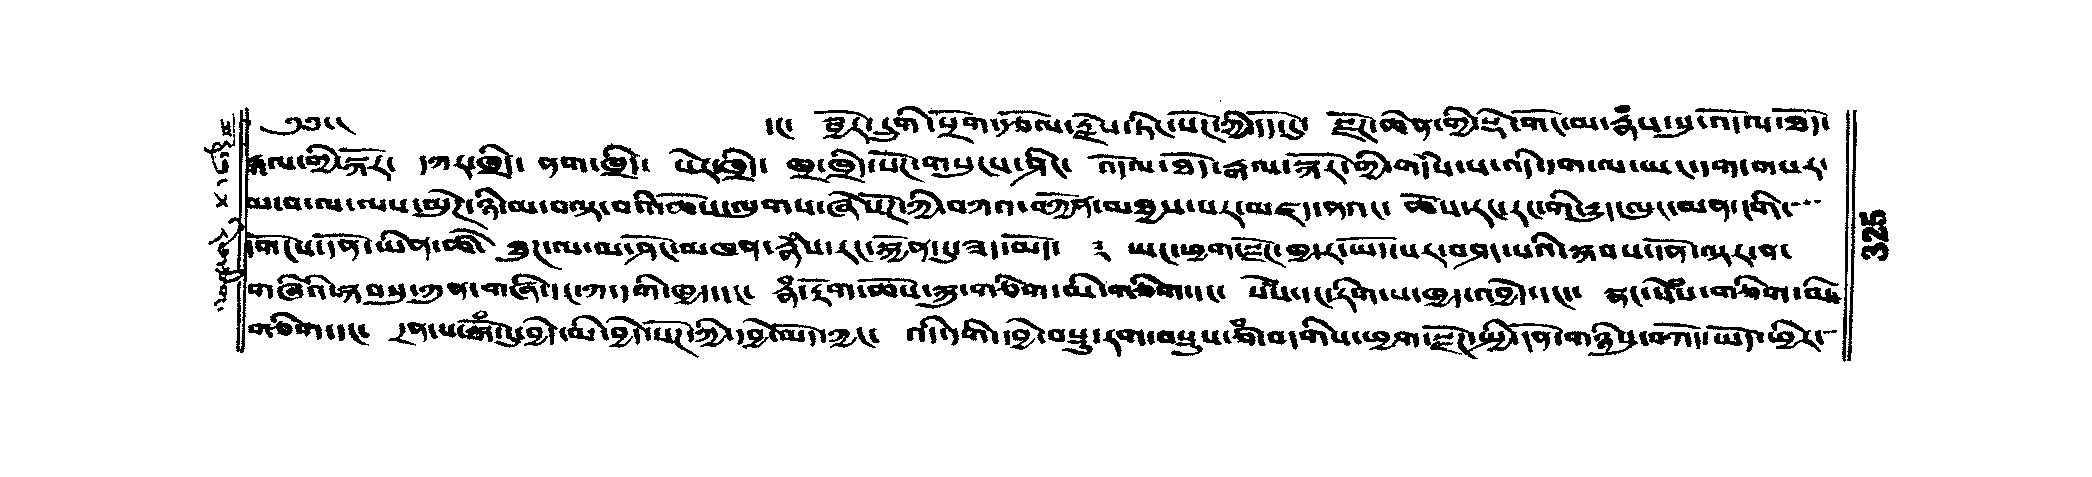དངཔ། སྦྱོརཔདྲུགཔགིཔསྲོགཔརྩོལཔརྗེསཔཏིངཔསོགསཔཀྱིཔདོདཔདུ། རྫོགསཔཆེནཔགྱིཔསྡེཔགོངཔམཔརྣམསཔསུཔའོདཔགསལཔཐོད་
རྒལཔགྱིཔསྐོར། དཀརཔཁྲིད། ནགཔཁྲིད། སེརཔཁྲིད། ཁྲཔཁྲིདཔསོགསཔགསུངསཔཤིངཔ། འོདཔགསལཔཐོདཔརྒལཔསྐོརཔགྱིཔགདམསཔ་པའདིཔདགཔལཔཡངཔདགཔགསར་
མཔབཔལཔལསཔམུཔསྟེགསཔཉིཔམཔབལྟཔབའིཔཆོསཔལུགསཔཞེསཔསོགསཔཀྱིཔབཀའཔདཀྱོནཔམཐའཔཡསཔ་རཔམཛདཔནའངཔ། ཆོསཔརངཔརངཔགིཔརྒྱུདཔལུངཔམནཔངགཔགི་
དགོངསཔདོནཔཡིནཔཚེ། ཐུགསཔལཔམཔཤོངཔམཁནཔརྣམསཔརངཔོནཔདུཔཟདཔདོ། ཡངཔཕྱགཔརྫོགསཔཁྱདཔ་རཔཡོདཔ་རཔབཤདཔ་འིཔསྐབསཔདོནཔལྟརཔན་
གཞིའིཔསྐབསཔསུཔཀུནཔགཞིཔདངཔཀཔདགཔགིཔཁྱདཔ་རཔདངཔ། རྣམཔརྟོགཔཆོསཔསྐུཔགཅིགཔམིཔགཅིགཔདངཔ། སེམསཔདངཔརིགཔ་པཁྱདཔའབྱེདཔདངཔ།སྣངཔསེམསཔགཅིགཔམིཔ་
གཅིག་དང། དྲནཔ་པསྒོམཔདུཔབྱེདཔམིཔབྱེདཔསོགསཔཀྱིཔདབྱེཔམོདཔཀྱངཔ། འདིཔདགཔགིཔདབྱེཔབསྡུཔརགསཔབསྡུསཔཙམཔབདགཔགིཔཕྱགཔརྫོགསཔསྤྱིཔདོནཔགཉིསཔསུཔབཀོདཔཡོདཔཕྱིརཔ